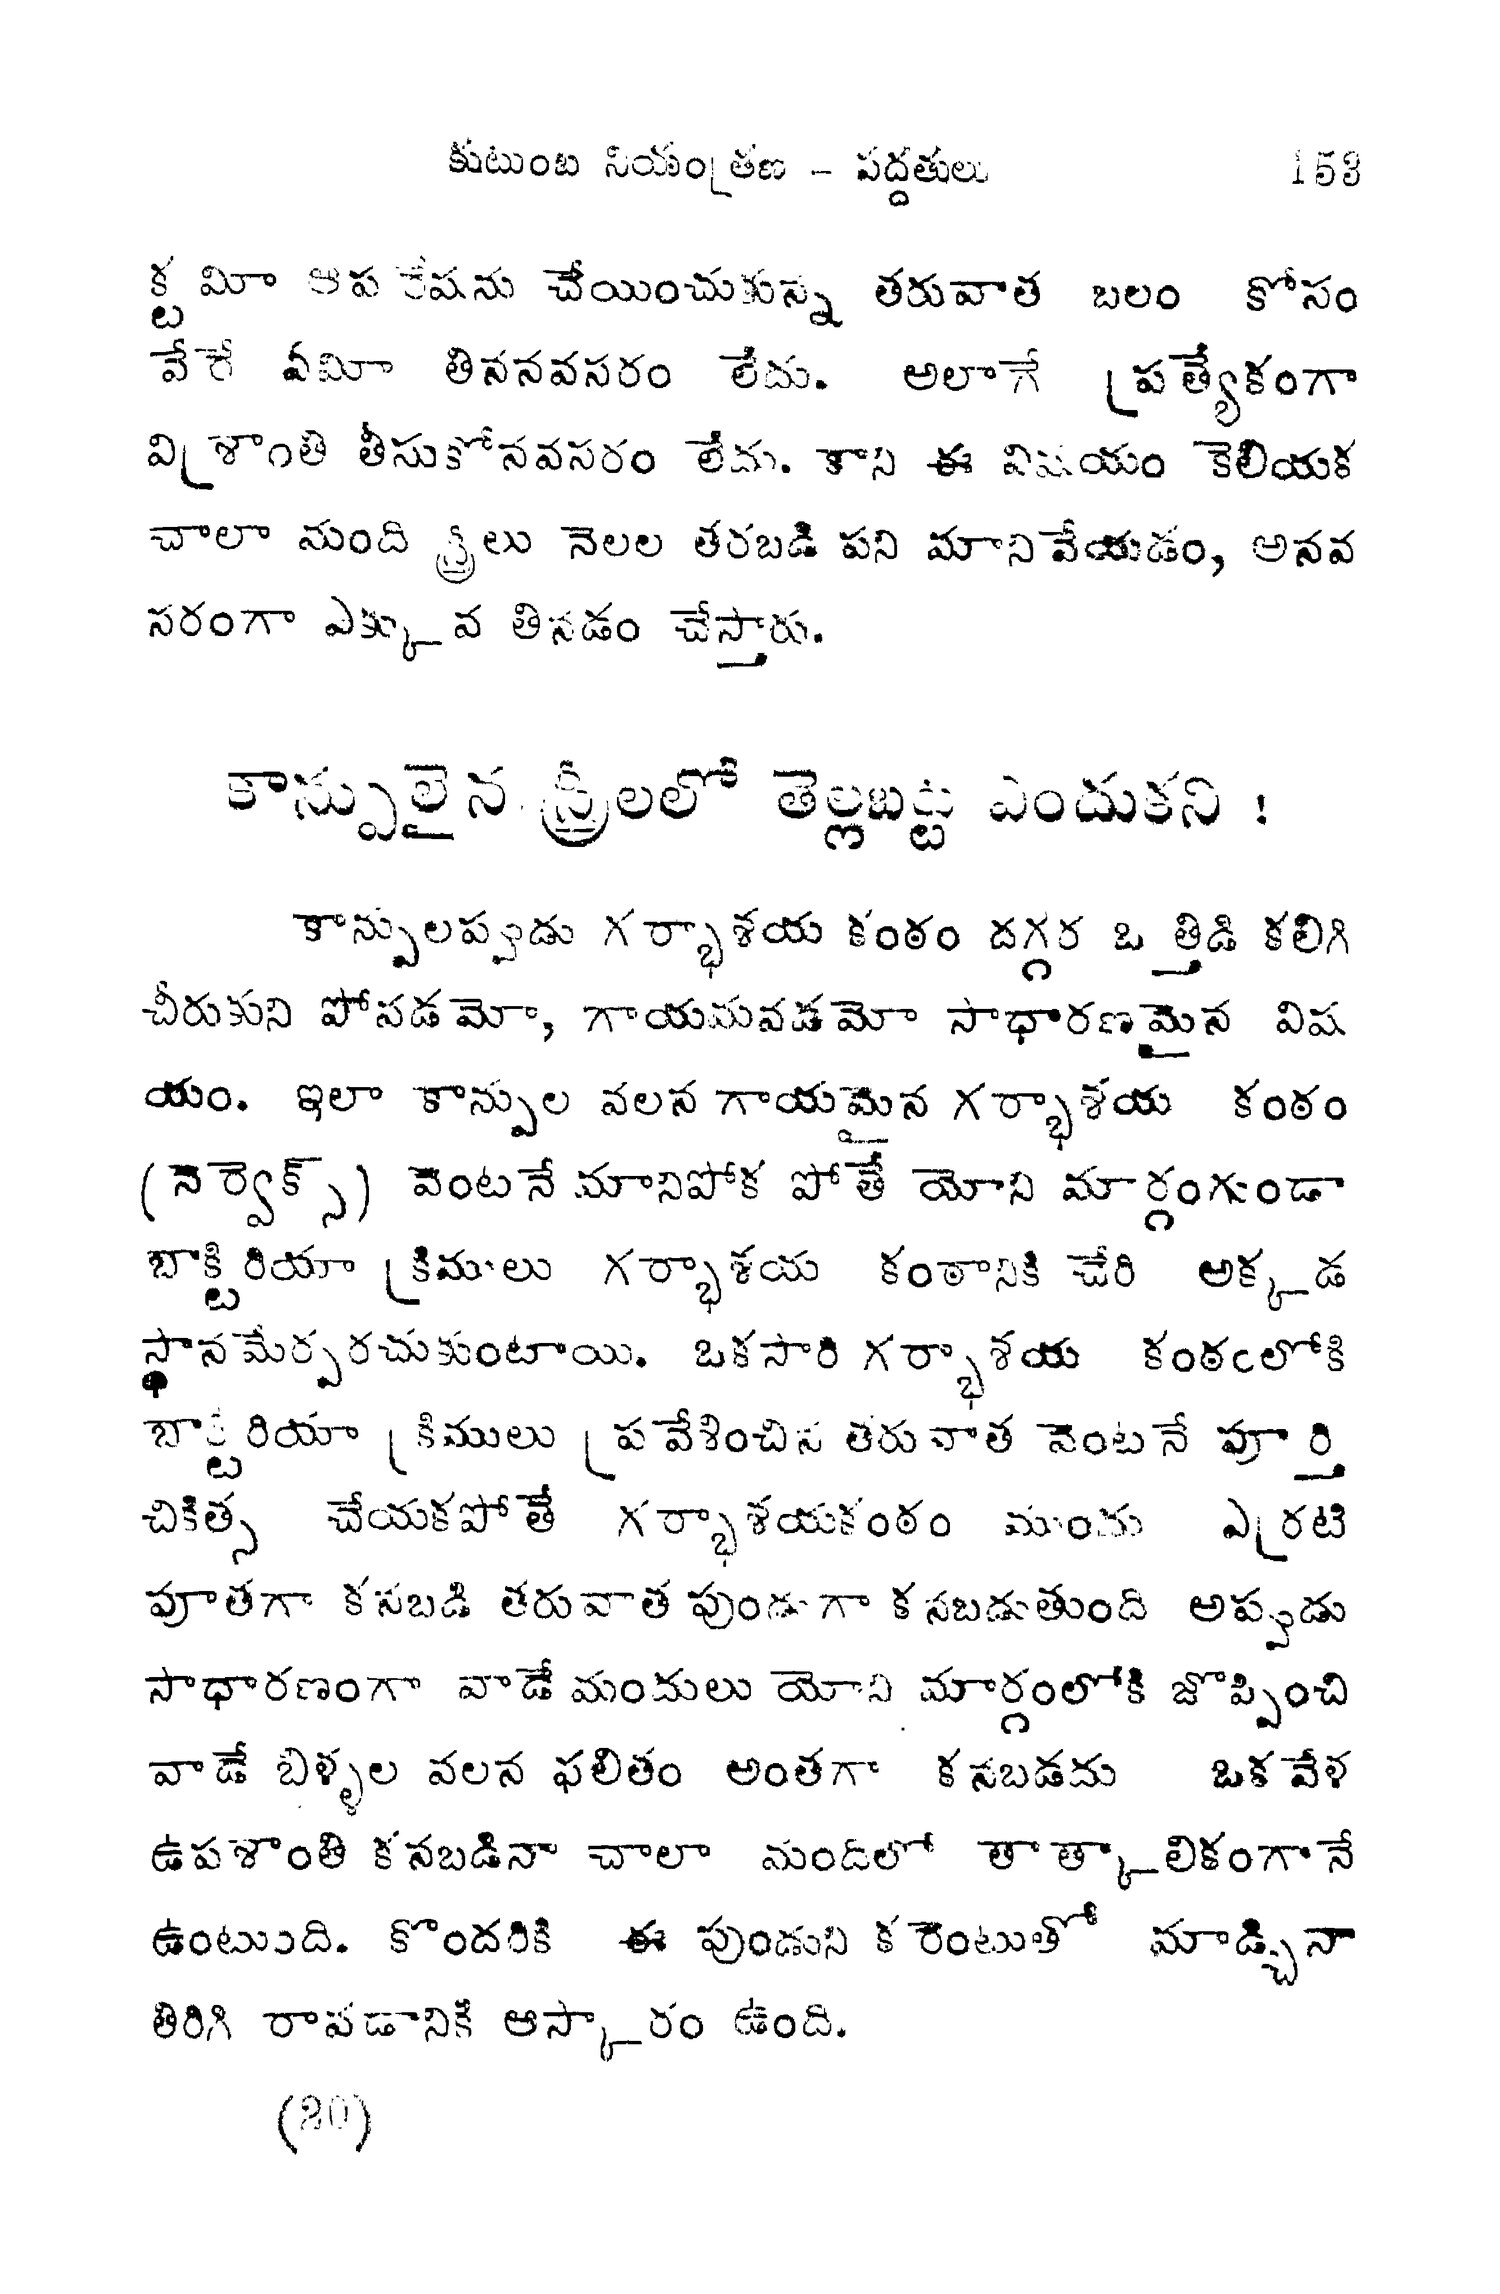క్టమీ ఆపరేషను చేయించుకున్న తరువాత బలం కోసం వేరే ఏమీ తిననవసరం లేదు. అలాగే ప్రత్యేకంగా విశ్రాంతి తీసుకోనవసరం లేదు. కాని ఈ విషయం తెలియక చాలా మంది స్త్రీలు నెలల తరబడి పని మానివేయడం, అనవసరంగా ఎక్కువ తినడం చేస్తారు.

కాన్పులప్పుడు గర్భాశయ కంఠం దగ్గర ఒత్తిడి కలిగి చీరుకుని పోవడమో, గాయమవడమో సాధారణమైన విషయం. ఇలా కాన్పుల వలన గాయమైన గర్భాశయ కంఠం (నెర్వెక్స్) వెంటనే మానిపోక పొతే యోని మార్గంగుండా బాక్టీరియూ క్రిములు గర్భాశయ కంఠానికి చేరి అక్కడ స్థానమేర్పరచుకుంటాయు. ఒకసారి గర్భాశయ కంఠంలోకి బాక్టీరియా క్రిములు ప్రవేవేశించిన తరువాత వెంటనే పూర్తి చికిత్స చేయకపొతే గర్భాశాయకంఠం ముందు ఎర్రటి పూతగా కనబడి తరువాత పుండుగా కనబడుతుంది అప్పుడు సాధారణంగా వాడే మందులు యోని మార్గంలోకి జొప్పించి వాడే బిళ్ళలు వలన ఫలితం అంతగా కనబడదు. ఒకవేళ ఉపశాంతి కనబడినా చాలా మందిలో తాత్కాలికంగానే ఉంటుంది. కొందరికి ఈ పుండుని కరెంటుతో మాడ్చినా తిరిగి రావడానికి ఆస్కారం ఉంది.